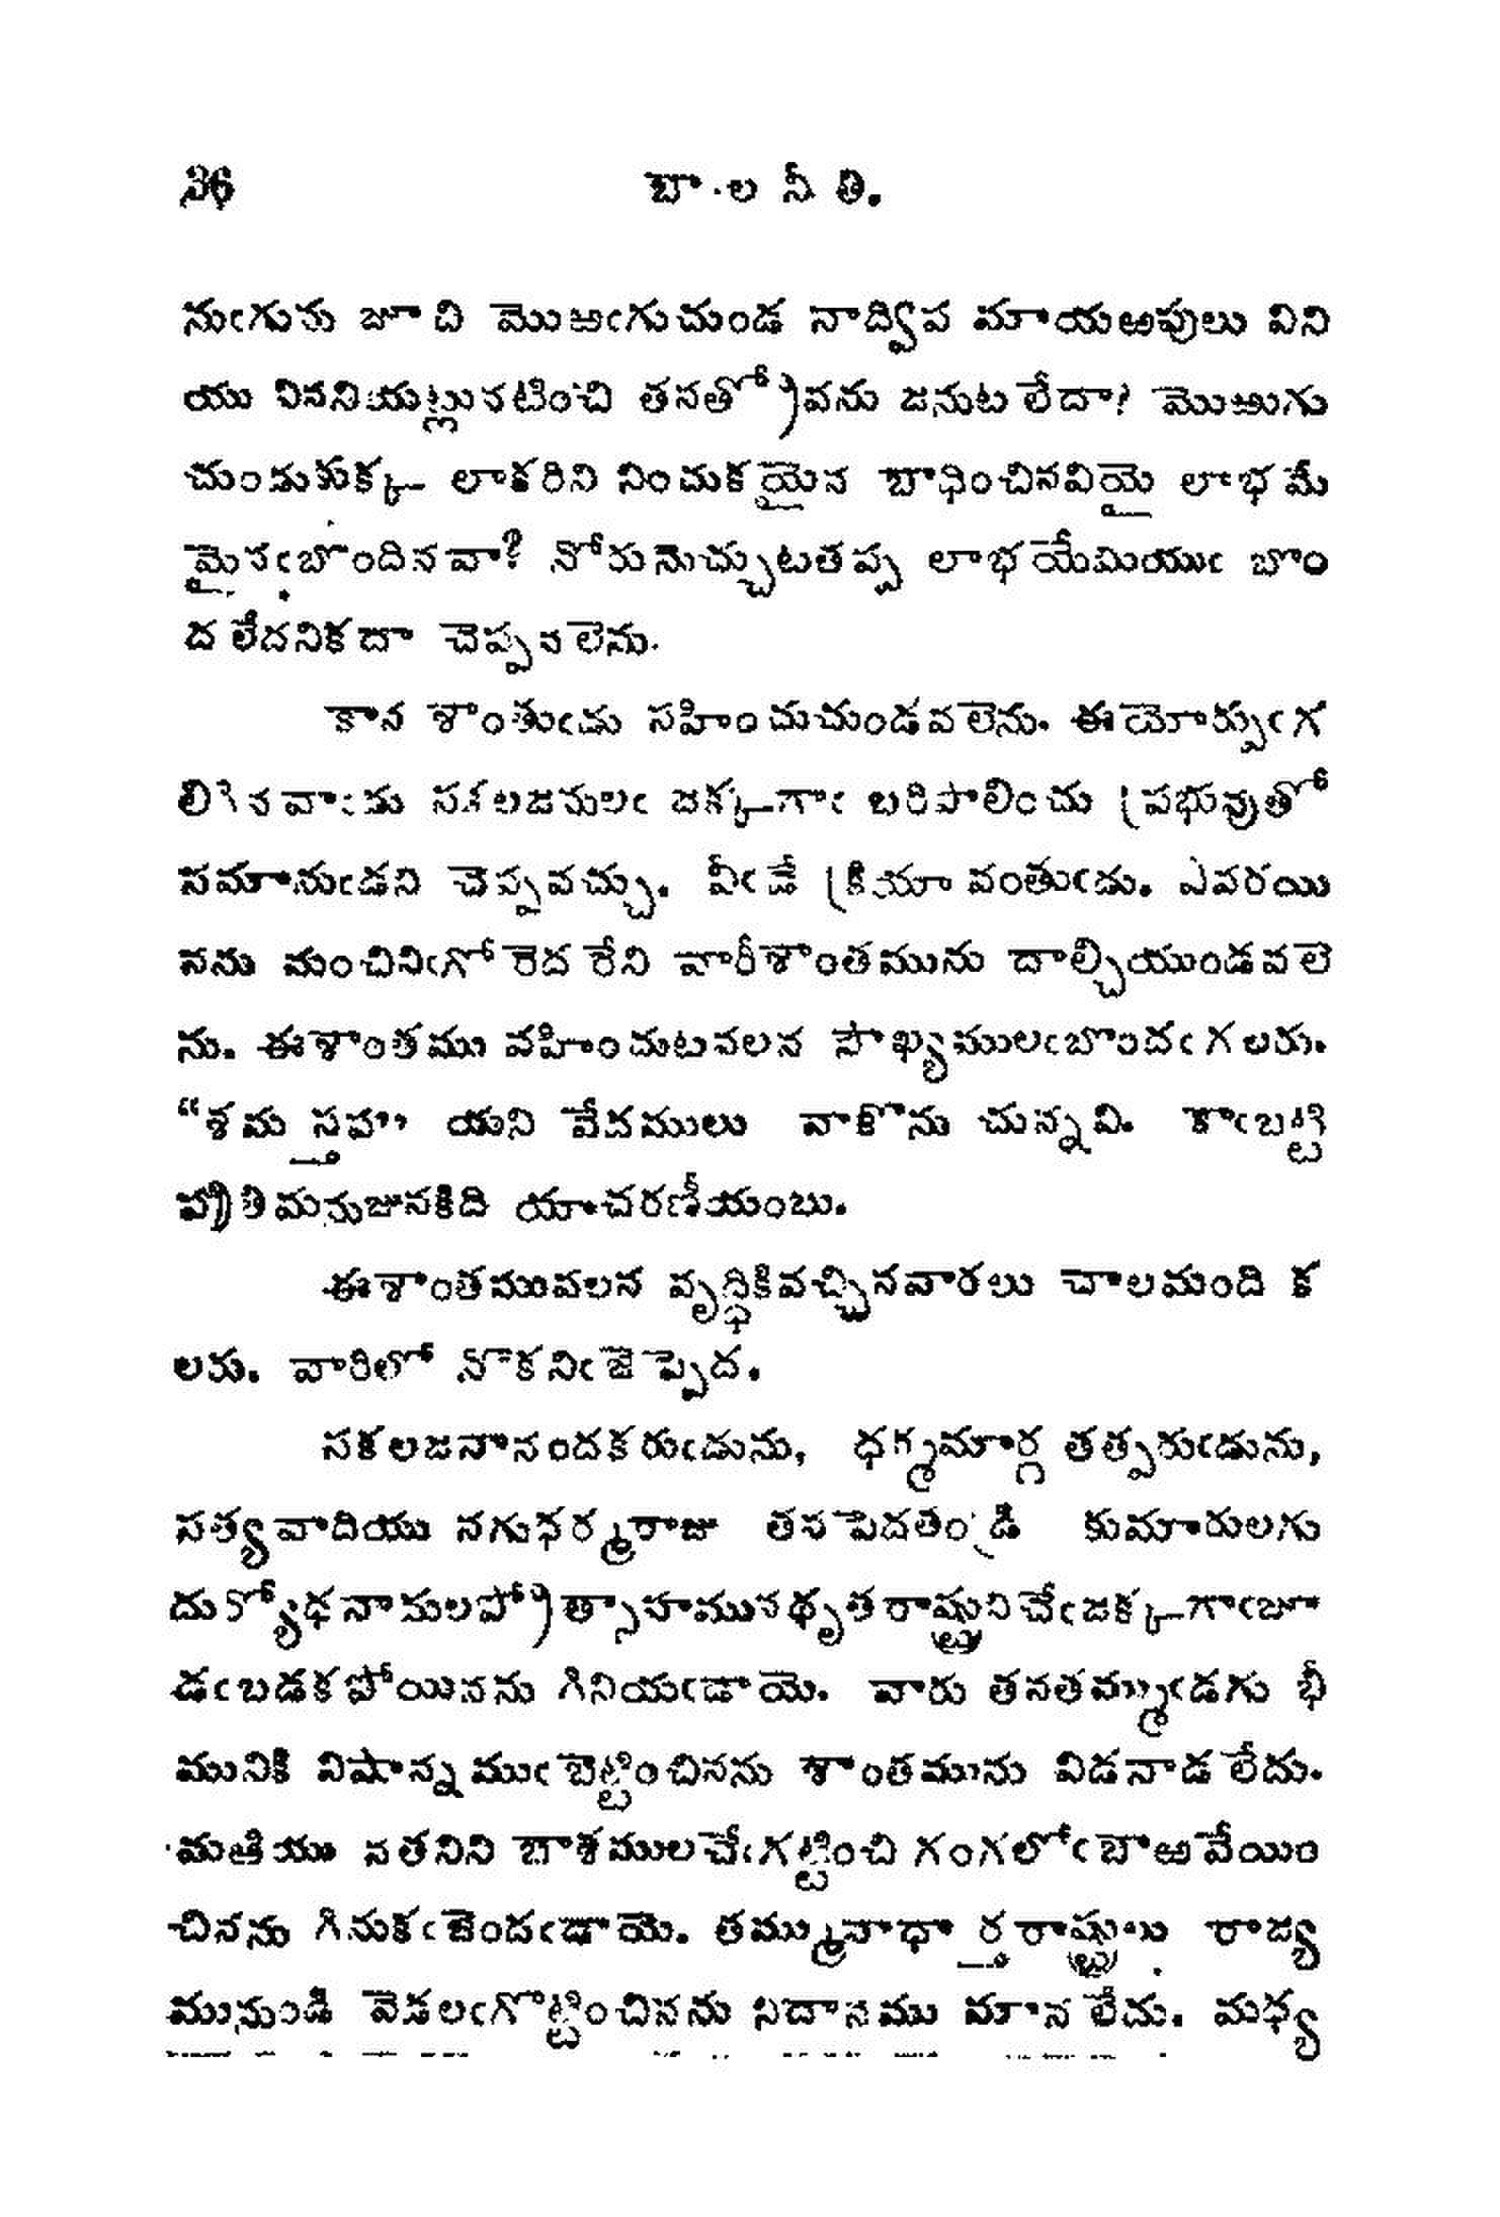నుఁగును జూచి మొఱఁగుచుండ నాద్విప మాయఱపులు విని
యు విననియట్లునటించి తనత్రోవను జనుటలేదా? మొఱుగు
చుండుకుక్క లాకరిని నించుకయైన బాధించినవియై లాభమే
మైనఁబొందినవా? నోరునొచ్చుటతప్ప లాభమేమియుఁ బొం
దలేదనికదా చెప్పవలెను.

కాన శాంతుఁడు సహించుచుండవలెను. ఈయోర్పుఁగ
లిగినవాఁడు సకలజనులఁ జక్కగాఁ బరిపాలించు ప్రభువుతో 
సమానుఁడని చెప్పవచ్చు. వీఁడే క్రియా వంతుఁడు. ఎవరయి
నను మంచినిఁగోరెద రేని వారీశాంతమును దాల్చియుండవలె
ను. ఈశాంతము వహించుటవలన సౌఖ్యములఁబొందఁగలరు. 
"శమస్తప" యని వేదములు వాకొను చున్నవి. కాఁబట్టి 
ప్రతిమనుజునకిది యాచరణీయంబు.

ఈశాంతమువలన వృద్ధికివచ్చినవారలు చాలమంది క
లరు. వారిలో నొకనిఁజెప్పెద.

సకలజనానందకరుఁడును, ధర్మమార్గ తత్పరుఁడును, 
సత్యవాదియు నగుధర్మరాజు తనపెదతండ్రి కుమారులగు 
దుర్యోధనాదులప్రోత్సాహమున థృతరాష్ట్రునిచేఁజక్కగాఁజూ
డఁబడకపోయినను గినియఁడాయె. వారు తనతమ్ముఁడగు భీ
మునికి విషాన్నముఁబెట్టించినను శాంతమును విడనాడలేదు. 
మఱియు నతనిని బాశములచేఁగట్టించి గంగలోఁబాఱవేయిం
చినను గినుకఁజెందఁడాయె. తమ్మునాధార్తరాష్ట్రులు రాజ్య
మునుండి వెడలఁగొట్టించినను నిదానము మానలేదు. మధ్య